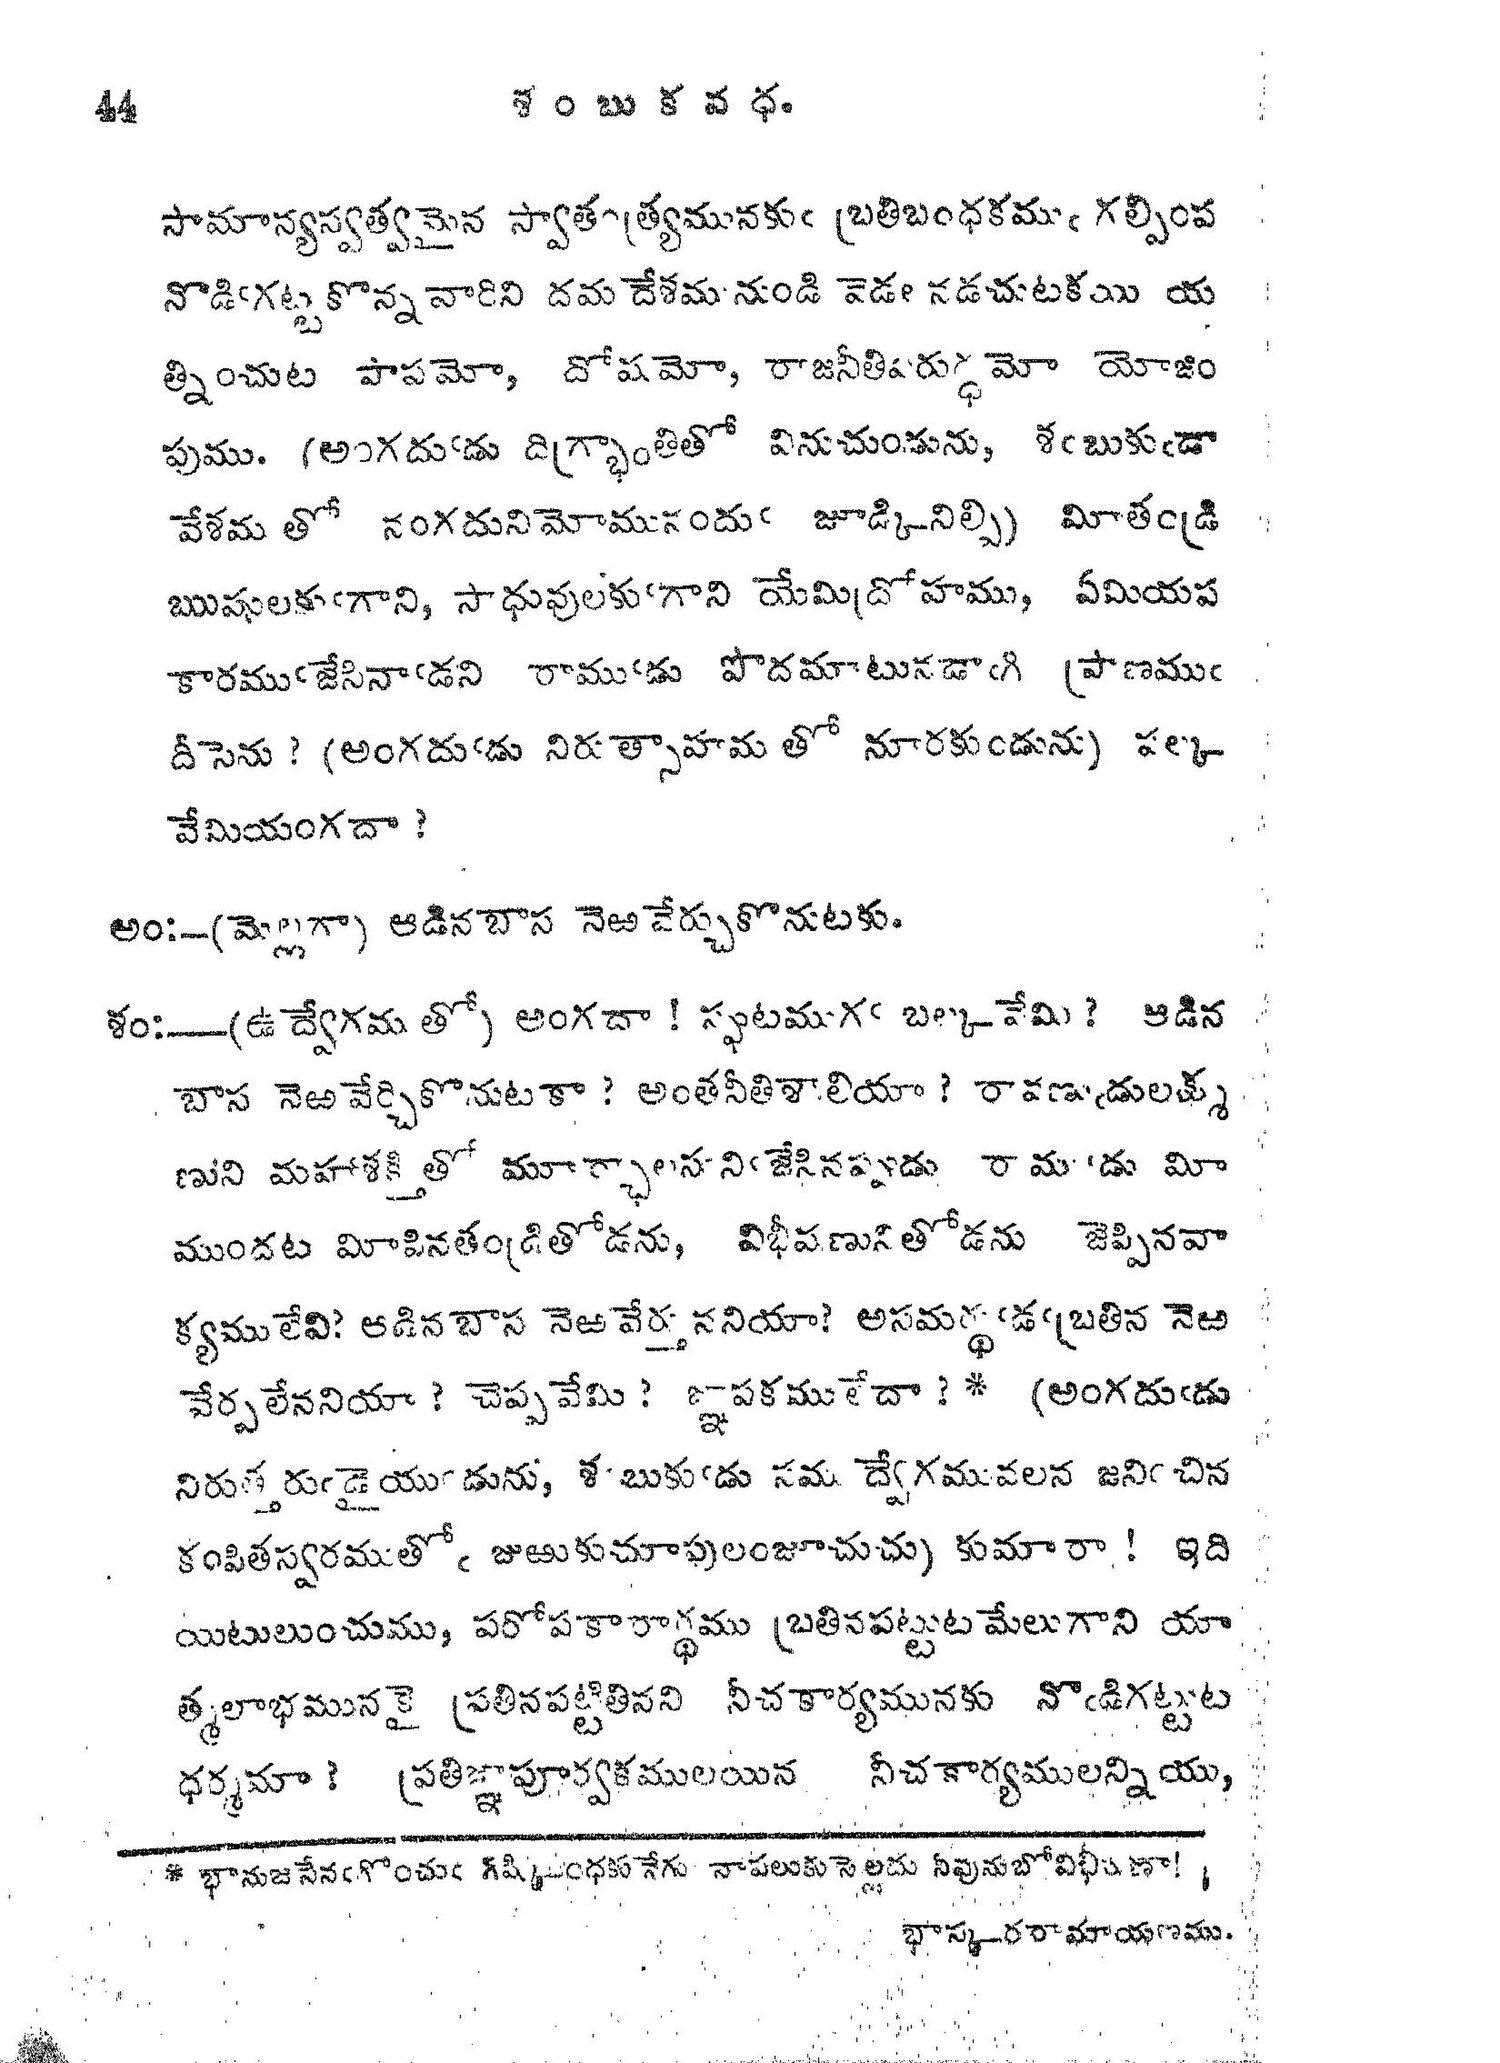సామాన్యస్వత్వమైన స్వాతంత్ర్యమునకుఁ బ్రతిబంధకము గల్పింప
 నొడిగట్టుకొన్న వారిని దమ దేశమనుండి వెడలనడచుటకయి య
 త్నించుట పాపమో, దోషమో, రాజనీతి విరుద్దమో యోజిం
 పుము. (అంగదుఁడు దిగ్బ్రాంతితో వినుచుం:డును, శంబుకుడా
 వేశమతో నంగదుని మోమునందుఁ జూడ్కి నిలి) మీతండ్రి
 ఋషులకుఁగాని, సాధువులకు గాని 'యేమిద్రోహము, ఏమియప
 కారముఁ జేసినాఁడని రాముఁడు పొదమాటున డాఁగి ప్రాణముఁ
 దీసెను ? (అంగదుఁడు నిరుత్సాహముతో నూరకుండును) పల్క
 వేమియంగదా?

అం:- ( మెల్లగా) ఆడిన బాస నెఱు నేర్చుకొనుటకు.

శం:- (ఉ ద్వేగమ తో) అంగదా ! స్ఫటముగఁ బల్కవేమి ? ఆడిన
 బాన నెఱవేర్చికొనుటకా? అంతనీతిశాలియా ! రావణుడులక్ష్మ
 ణుని మహాశక్తి తో మూర్చాలన నిఁ జేసినప్పుడు రాముడు మీ
 ముందట మీపినతండ్రి తోడను, విభీషణుని తోడను జెప్పినవా
 క్యము లేవి? ఆడిన బాస నెర్వేర్తుసనియా? అసమర్దుడు బ్రతిన నెఱ
 వేర్పలేననియా? చెప్పవేమి ?* జ్ఞాపకము లేదా ? * (అంగదుఁడు
 నిరుత్తరుఁడై యుండును, శంబుకుఁడు సమ ద్వేగమువలన జనించిన
 కంపితస్వరముతో, జుఱుకుచూపు లంజూచుచు) కుమారా ! ఇది
 యిటులుంచుము, పరోపకారార్థము బ్రతిన పట్టుట మేలు గాని యా
 త్మలాభమునకై ప్రతిన పట్టి తినని నీచకార్యమునకు నొడిగట్టుట
 ధర్మమా ! ప్రతిజ్ఞా పూర్వకములయిన నీచ కార్యములన్నియు